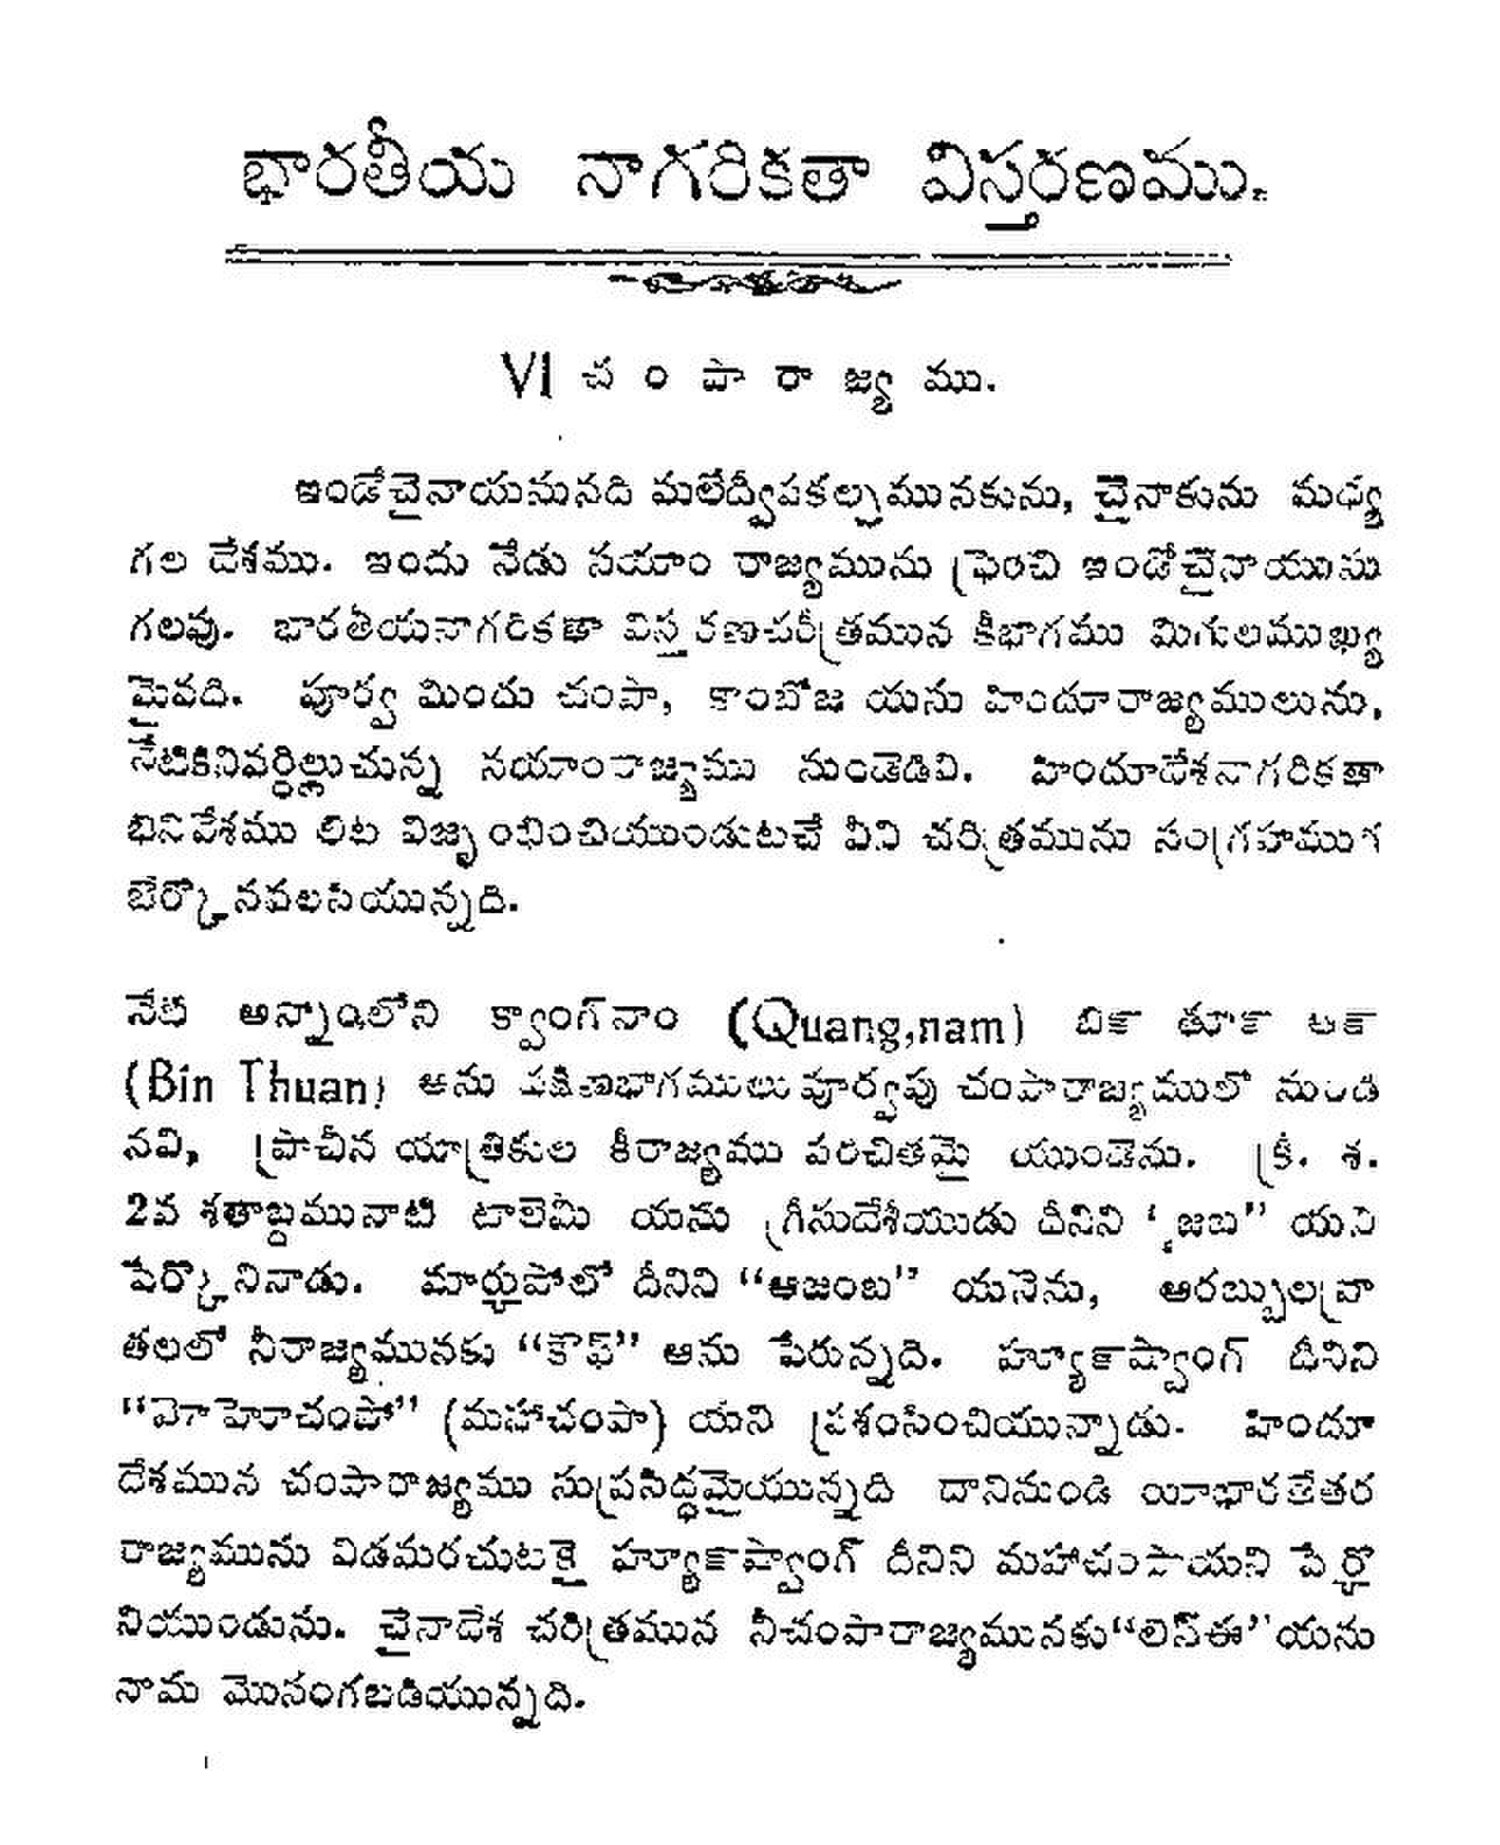ఇండోచైనాయనునది మలేద్వీపకల్పమునకును, చైనాకును మధ్యగల దేశము. ఇందు నేడు నయాం రాజ్యమును ఫ్రెంచి ఇండొచైనాయును గలవు. భారతీయనాగరికతా విస్తరణచరిత్రమున కీభాగము మిగులముఖ్యమైనది. పూర్వ మిందు చంపా, కాంభోజ యను హిందూరాజ్యములును, నేటికినివర్దిల్లుచున్న నయాం రాజ్యము నుండెడివి. హిందూదేశనాగరికతా భినివేశము లిట విజృంభించియుండుటచే వీని చరిత్రమును సంగ్రహముగ బేర్కొనవలసియున్నది.

నేటి అన్నాంలోని క్వాంగ్‌నాం (Quang-nam) బిన్ తూన్ అన్ (Bin Thuan) అను దక్షిణభాగములు పూర్వపు చంపారాజ్యములో నుండినవి. ప్రాచీన యాత్రికుల కీరాజ్యము పరిచితమై యుండెను. క్రీ. శ. 2 వ శతాబ్దమునాటి టాలెమీ యను గ్రీసుదేశీయుడు దీనిని "జబ" యని పేర్కొనినాడు. మార్కుపోలో దీనిని "అజంబ" యనెను. అరబ్బులవ్రాతలలో నీరాజ్యమునకు "కౌఫ్" అను పేరున్నది. హ్యూన్‌ష్వాంగ్ దీనిని "మోహోచంపో" (మహాచంపా) యని ప్రశంసించియున్నాడు. హిందూ దేశమున చంపారాజ్యము సుప్రసిద్ధమైయున్నది. దానినుండి యీభారతేతర రాజ్యమును విడమరచుటకై హ్యూన్‌ష్వాంగ్ దీనిని మహాచంపాయని పేర్కొనియుండెను. చైనాదేశ చరిత్రమున నీచంపారాజ్యమునకు "లిస్‌ఈ" యను నామ మొసంగబడియున్నది.